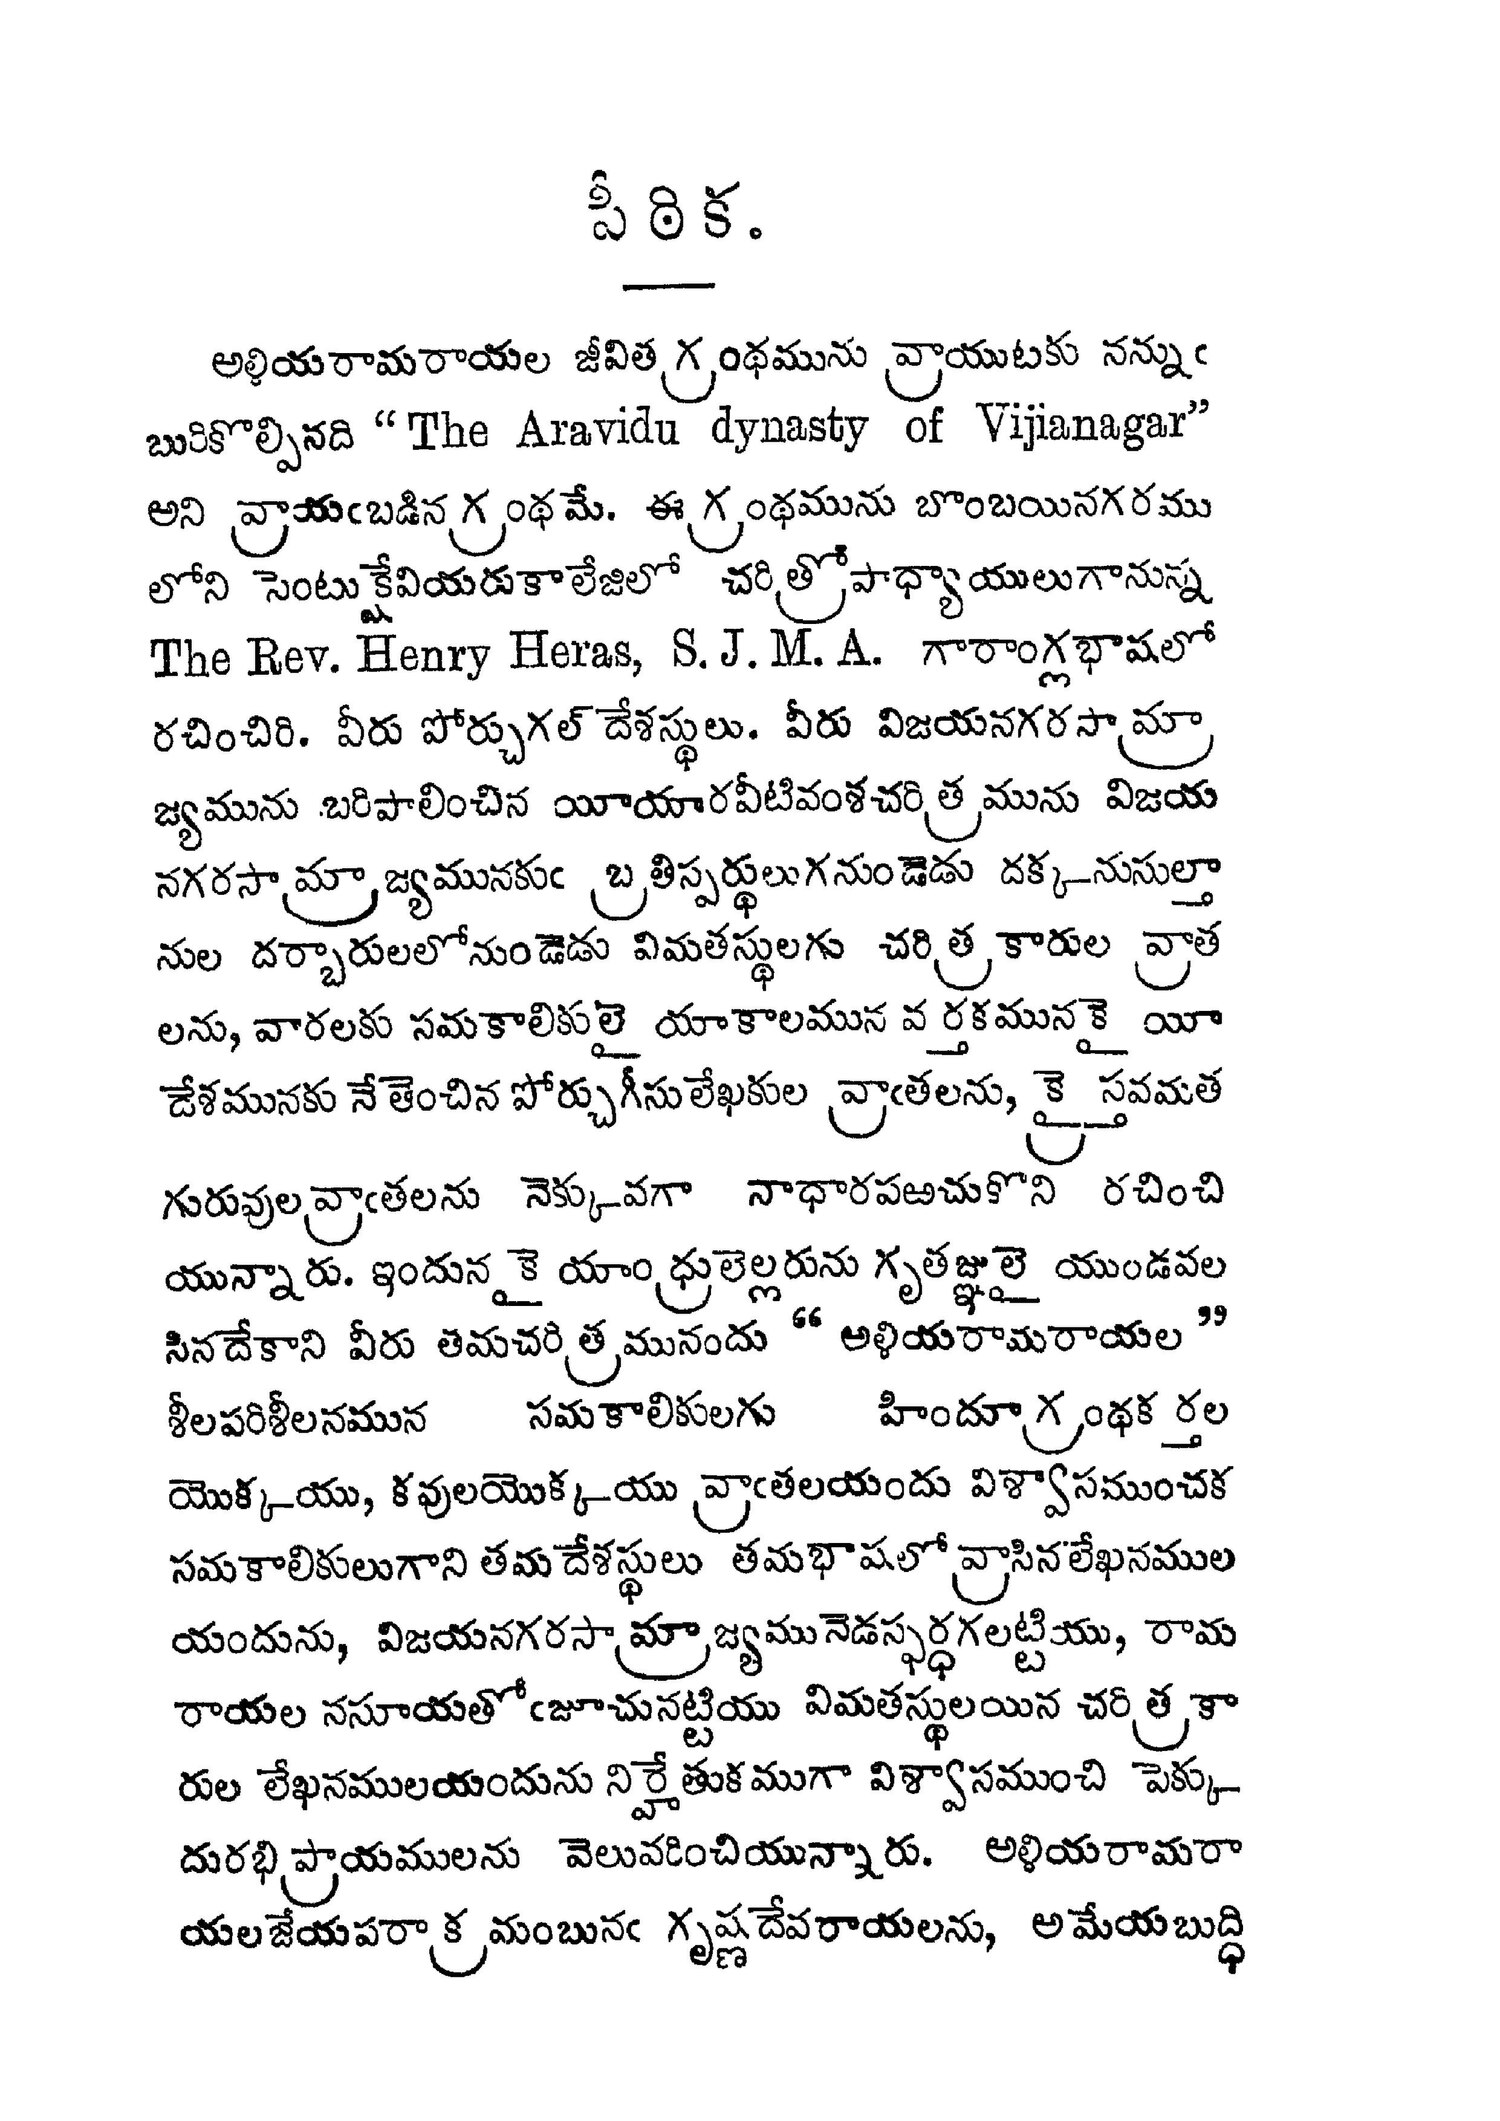అళియరామరాయల జీవిత గ్రంథమును వ్రాయుటకు నన్నుఁ బురికొల్పినది "The Aravidu dynasty of Vijianagar" అని వ్రాయబడిన గ్రంథమే. ఈ గ్రంథమును బొంబయినగరములోని సెంటుక్షేవియరు కాలేజీలో చరిత్రోపాధ్యాయులుగానున్న The Rev. Henry Heras, S.J.M.A. గారాంగ్లభాషలో రచించిరి. వీరు పోర్చుగల్ దేశస్థులు. వీరు విజయనగర సామ్రాజ్యమును బరిపాలించిన యీయారవీటి వంశచరిత్రమును విజయనగర సామ్రాజ్యమునకు బ్రతిస్పర్థులుగ నుండెడు దక్కను సుల్తానుల దర్బారులలో నుండెడు విమతస్థులగు చరిత్రకారుల వ్రాతలను, వారలకు సమకాలికులై యాకాలమున వర్తకమునకై యీ దేశమునకు నేతెంచిన పోర్చుగీసు లేఖకుల వ్రాతలను, క్రైస్తవమత గురువుల వ్రాతలను నెక్కువగా నాధారపఱచుకొని రచించి యున్నారు. ఇందునకై యాంధ్రులెల్లరును గృతజ్ఞఉలై యుండవలసినదే కాని వీరు తమ చరిత్రమునందు " అళియరామరాయల " శీలపరిశీలనమున సమకాలికులగు హిందూ గ్రంథకర్తల యొక్కయు, కవులయొక్కయు వ్రాతలయందు విశ్వాసముంచక సమకాలికులుగాని తమ దేశస్థులు తమభాషలో వ్రాసిన లేఖనముల యందును, విజయనగర సామ్రాజ్యము నెడస్పర్థగలట్టియు, రామరాయల నసూయతో జూచునట్టియు విమతస్థులయిన చరిత్రకారుల లేఖనముల యందును నిర్హేతుకముగా విశ్వాసముంచి పెక్కు దురభిప్రాయములను వెలువరించియున్నారు. అళియరామరాయలజేయ పరాక్రమంబునఁ గృష్ణదేవరాయలను, అమేయబుద్ధి